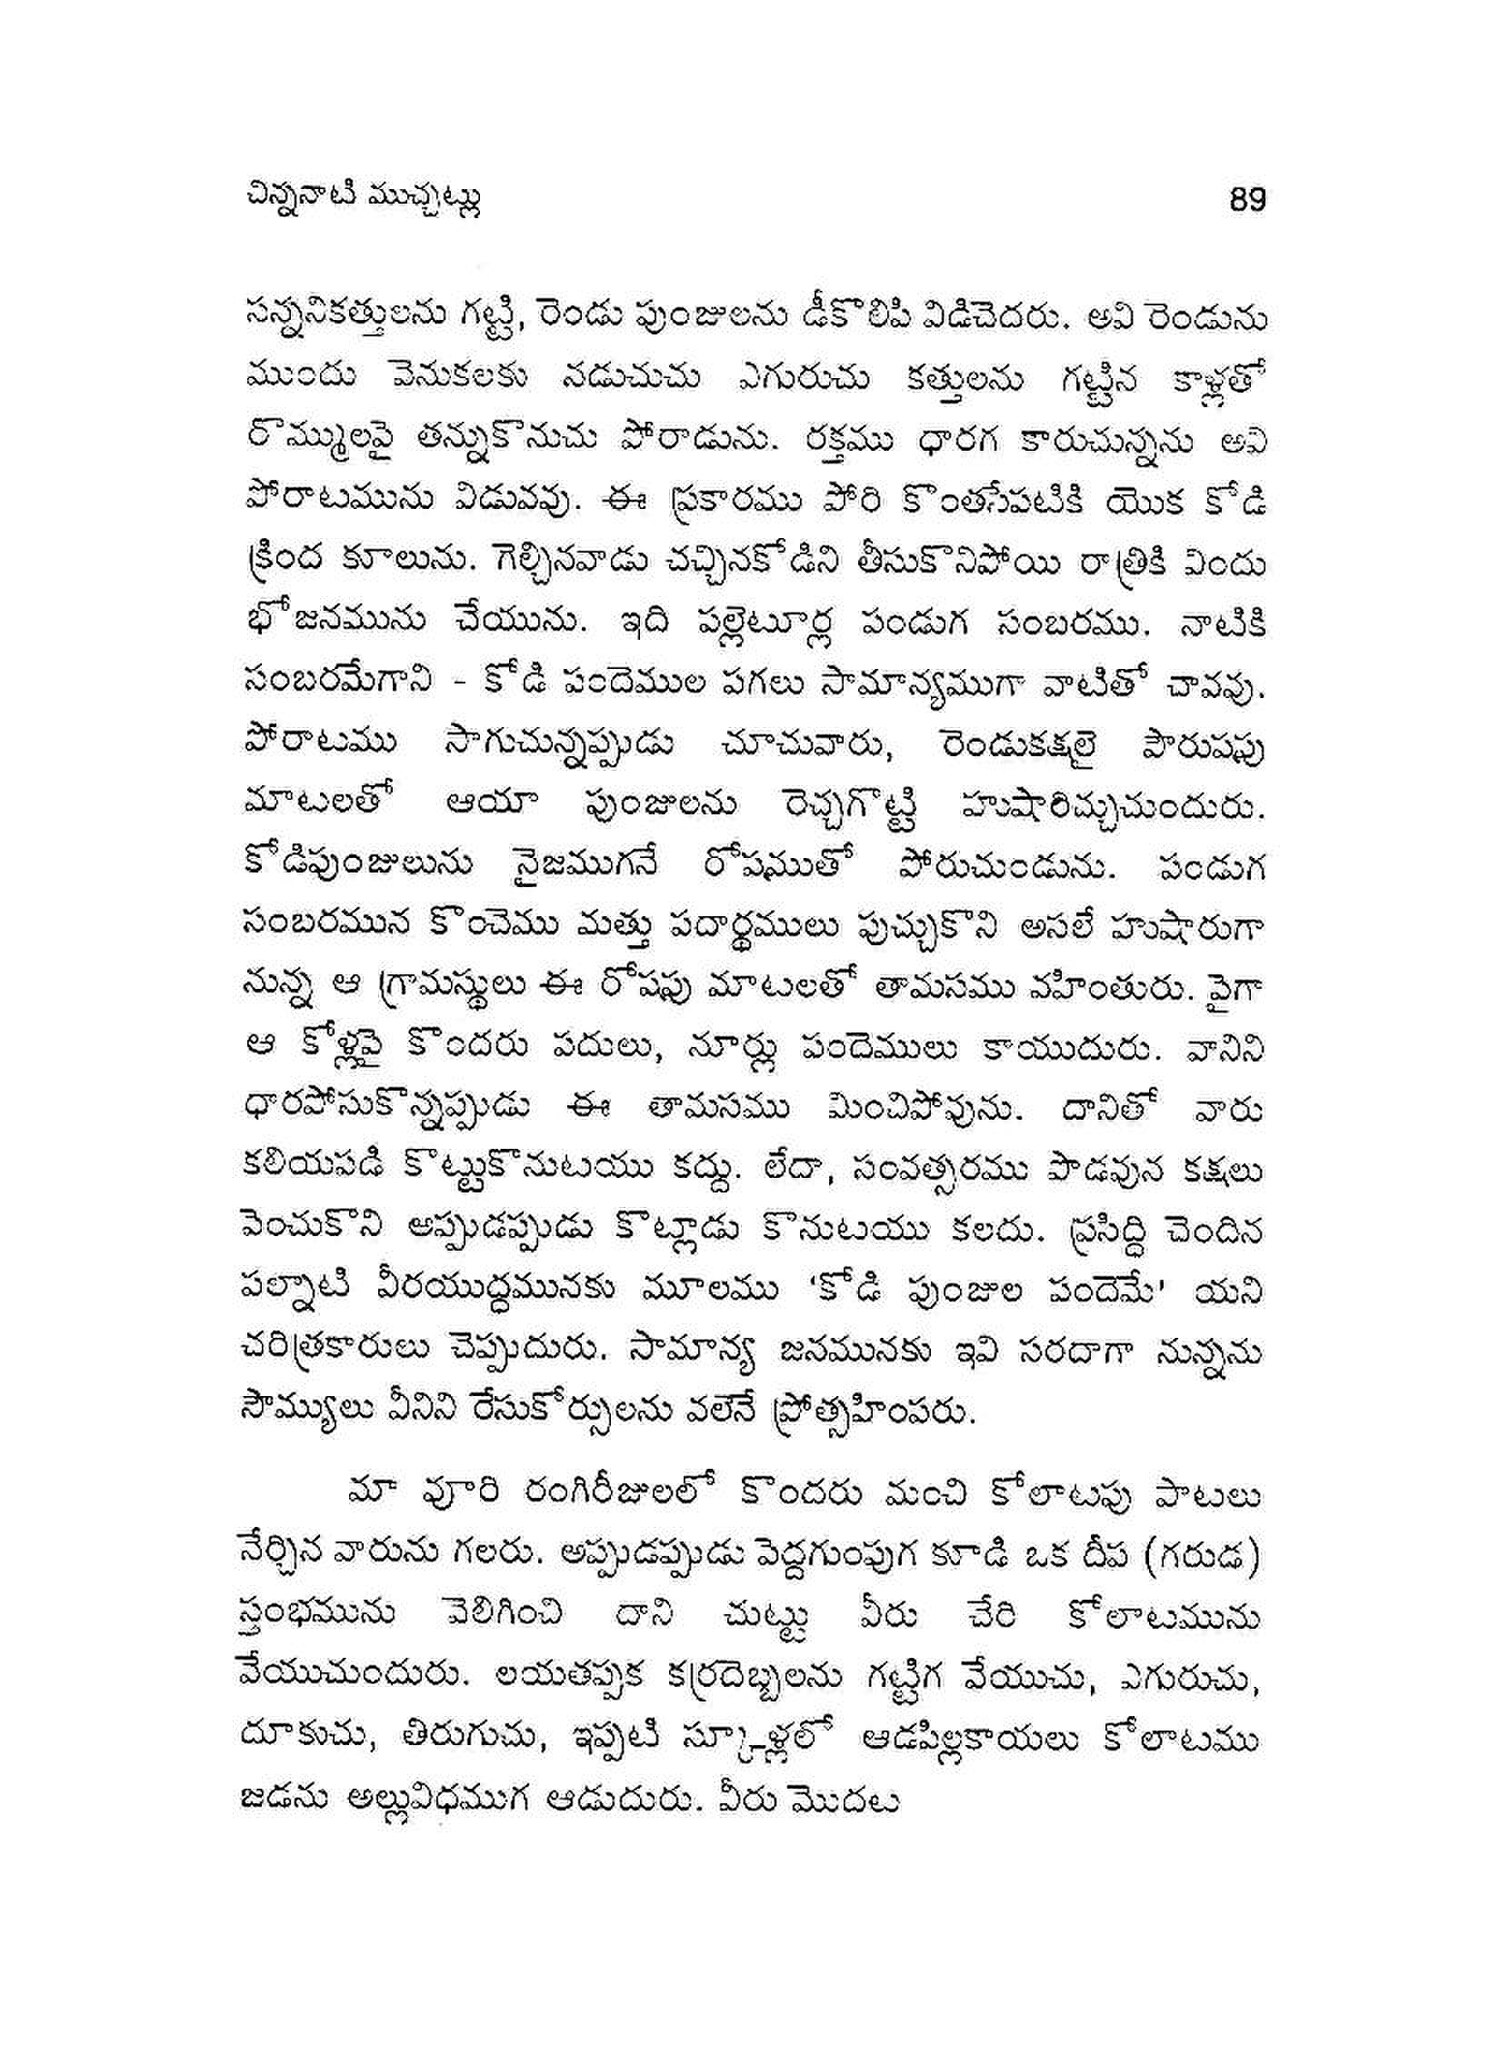సన్ననికత్తులను గట్టి, రెండు పుంజులను డీకొలిపి విడిచెదరు. అవి రెండును ముందు వెనుకలకు నడుచుచు ఎగురుచు కత్తులను గట్టిన కాళ్లతో రొమ్ములపై తన్నుకొనుచు పోరాడును. రక్తము ధారగ కారుచున్నను అవి పోరాటమును విడువవు. ఈ ప్రకారము పోరి కొంతసేపటికి యొక కోడి క్రింద కూలును. గెల్చినవాడు చచ్చినకోడిని తీసుకొనిపోయి రాత్రికి విందు భోజనమును చేయును. ఇది పల్లెటూర్ల పండుగ సంబరము. నాటికి సంబరమేగాని - కోడి పందెముల పగలు సామాన్యముగా వాటితో చావవు. పోరాటము సాగుచున్నప్పుడు చూచువారు, రెండుకక్షలై పౌరుషపు మాటలతో ఆయా పుంజులను రెచ్చగొట్టి హుషారిచ్చుచుందురు. కోడిపుంజులును నైజముగనే రోషముతో పోరుచుండును. పండుగ సంబరమున కొంచెము మత్తు పదార్ధములు పుచ్చుకొని అసలే హుషారుగా నున్న ఆ గ్రామస్తులు ఈ రోషపు మాటలతో తామసము వహింతురు. పైగా ఆ కోళ్లపై కొందరు పదులు, నూర్లు పందెములు కాయుదురు. వానిని ధారపోసుకొన్నప్పుడు ఈ తామసము మించిపోవును. దానితో వారు కలియపడి కొట్టుకొనుటయు కద్దు. లేదా, సంవత్సరము పొడవున కక్షలు పెంచుకొని అప్పుడప్పుడు కొట్లాడు కొనుటయు కలదు. ప్రసిద్ధి చెందిన పల్నాటి వీరయుద్ధమునకు మూలము 'కోడి పుంజుల పందెమే' యని చరిత్రకారులు చెప్పుదురు. సామాన్య జనమునకు ఇవి సరదాగా నున్నను సౌమ్యులు వీనిని రేసుకోర్సులను వలెనే ప్రోత్సహింపరు.

మా వూరి రంగిరీజులలో కొందరు మంచి కోలాటపు పాటలు నేర్చిన వారును గలరు. అప్పుడప్పుడు పెద్దగుంపుగ కూడి ఒక దీప (గరుడ) స్తంభమును వెలిగించి దాని చుట్టు వీరు చేరి కోలాటమును వేయుచుందురు. లయతప్పక కర్రదెబ్బలను గట్టిగ వేయుచు, ఎగురుచు, దూకుచు, తిరుగుచు, ఇప్పటి స్కూళ్లలో ఆడపిల్లకాయలు కోలాటము జడను అల్లువిధముగ ఆడుదురు. వీరు మొదట